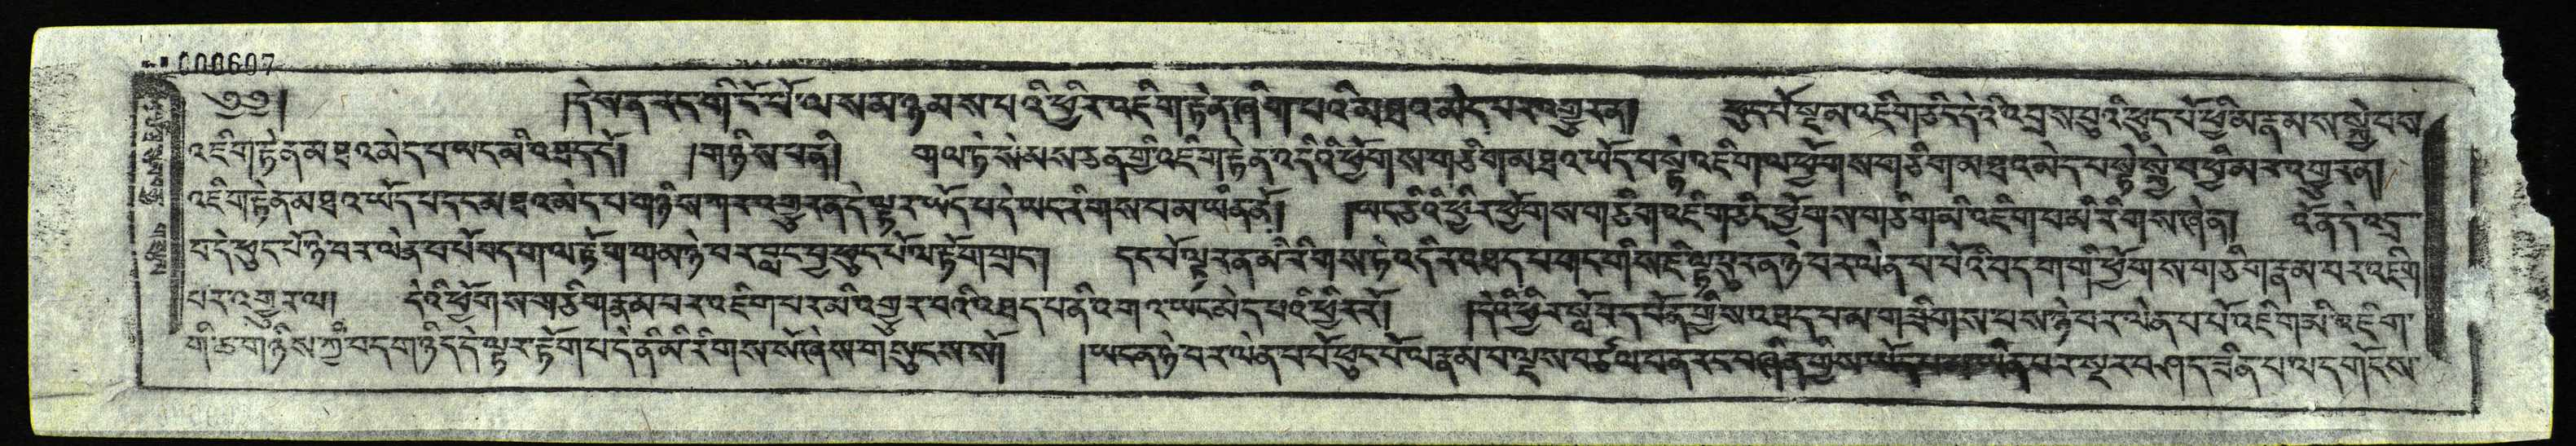༄༅། །དེས་ན་རང་གི་ངོ་བོ་ལས་མ་ཉམས་པའི་ཕྱིར་འཇིག་རྟེན་ཞིག་པའི་མཐའ་མེད་པར་འགྱུར་ན། ཕུང་པོ་སྔ་མ་འཇིག་ཅིང་དེའི་འབྲས་བུའི་ཕུང་པོ་ཕྱི་མ་རྣམས་སྐྱེ་བས་
འཇིག་རྟེན་མཐའ་མེད་པ་ཡང་མི་འཐད་དོ། །གཉིས་པ་ནི། གལ་ཏེ་སེམས་ཅན་གྱི་འཇིག་རྟེན་འདིའི་ཕྱོགས་གཅིག་མཐའ་ཡོད་པ་སྟེ་འཇིག་ལ་ཕྱོགས་གཅིག་མཐའ་མེད་པ་སྟེ་སྐྱེ་བ་ཕྱི་མར་འགྱུར་ན།
འཇིག་རྟེན་མཐའ་ཡོད་པ་དང་མཐའ་མེད་པ་གཉིས་ཀར་འགྱུར་ན་དེ་ལྟར་ཡོད་པ་དེ་ཡང་རིགས་པ་མ་ཡིན་ནོ། །ཡང་ཅིའི་ཕྱིར་ཕྱོགས་གཅིག་འཇིག་ཅིང་ཕྱོགས་གཅིག་མི་འཇིག་པ་མི་རིགས་ཞེ་ན། འོ་ན་དེ་འདྲ་
བ་དེ་ཕུང་པོ་ཉེ་བར་ལེན་པ་པོ་བདག་ལ་རྟོག་གམ་ཉེ་བར་བླང་བྱ་ཕུང་པོ་ལ་རྟོག་གྲང་། དང་པོ་ལྟར་ན་མི་རིགས་ཏེ་འདིར་འཐད་པ་གང་གིས་ཇི་ལྟ་བུར་ན་ཉེ་བར་ལེན་པ་པོའི་བདག་གི་ཕྱོགས་གཅིག་རྣམ་པར་འཇིག་
པར་འགྱུར་ལ། དེའི་ཕྱོགས་གཅིག་རྣམ་པར་འཇིག་པར་མི་འགྱུར་བའི་འཐད་པ་ནི་འགའ་ཡང་མེད་པའི་ཕྱིར་རོ། །དེའི་ཕྱིར་སློབ་དཔོན་གྱིས་འཐད་པ་མ་གཟིགས་པས་ཉེ་བར་ལེན་པ་པོ་འཇིག་མི་འཇིག་
གི་ཆ་གཉིས་ཀྱི་བདག་ཉིད་དེ་ལྟར་རྟོག་པ་དེ་ནི་མི་རིགས་སོ་ཞེས་གསུངས་སོ། །ཡང་ན་ཉེ་བར་ལེན་པ་པོ་ཕུང་པོ་ལ་རྣམ་པ་ལྔས་བཙལ་བ་ན་རང་བཞིན་གྱིས་ཡོད་པ་མ་ཡིན་པར་སྔར་བཤད་ཟིན་པ་ལ་དགོངས་